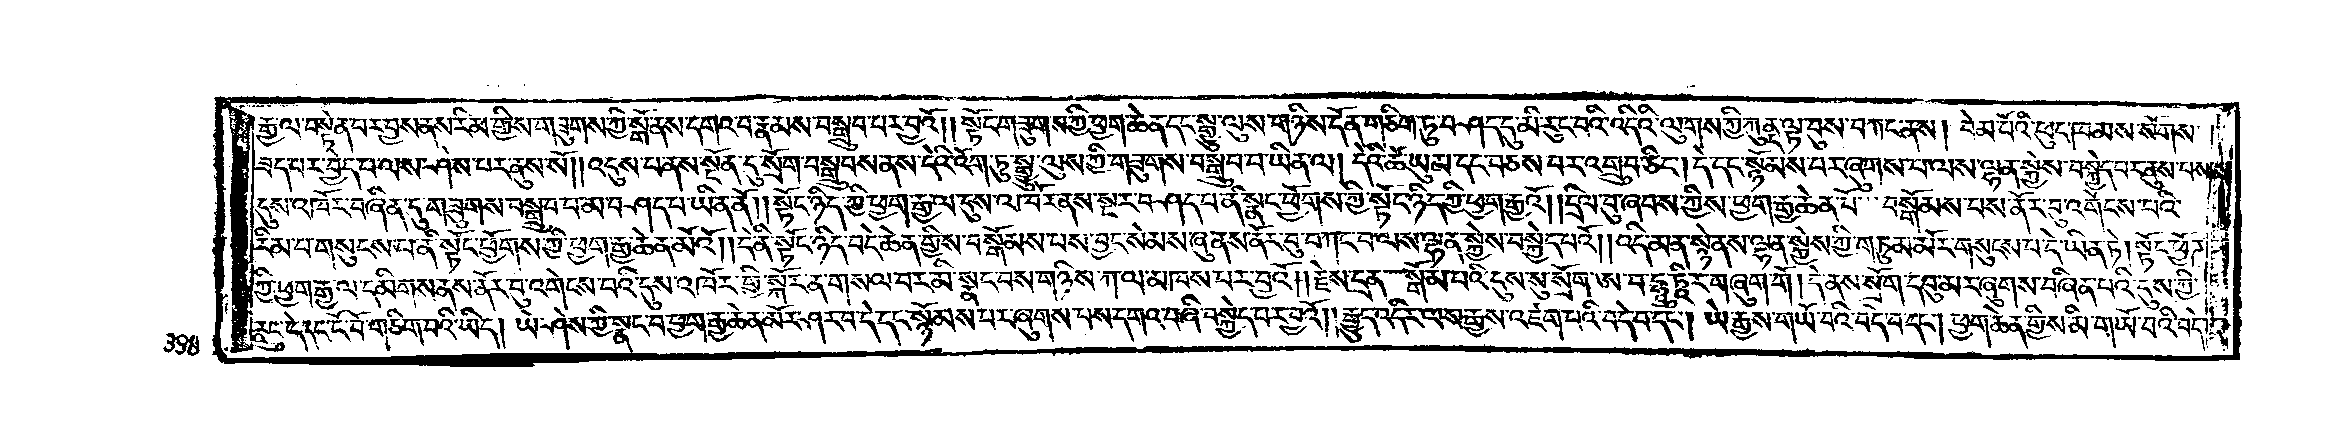རྒྱལ་བསྟེན་པར་བྱས་ནས་རིམ་གྱིས་གཟུགས་ཀྱི་སྒོ་ནས་དགའ་བ་རྣམས་བསྒྲུབ་པར་བྱའོ། །སྟོང་གཟུགས་ཀྱི་ཕྱག་ཆེན་དང་སྒྱུ་ལུས་གཉིས་དོན་གཅིག་ཏུ་བཤད་དུ་མི་རུང་བའི་འདིའི་ལུགས་ཀྱི་ཀུན་དན་ལྟ་བུས་བཀང་ནས། བེམ་པོའི་ཕུང་ཁམས་སོགས་
ཟད་པར་བྱེད་པ་ལས་ཤེས་པར་ནུས་སོ། །འདུས་པ་ནས་སྔོན་དུ་སྲོག་བསྒྲུབ་ནས་དེའི་འོག་ཏུ་སྒྱུ་ལུས་ཀྱི་གཟུགས་བསྒྲུབ་པ་ཡིན་ལ། དེའི་ཚེ་ཡུམ་དང་བཅས་པར་འགྲུབ་ཅིང་། དེ་དང་སྙོམས་པར་ཞུགས་པ་ལས་ལྷན་སྐྱེས་བསྐྱེད་པར་ནུས་པས་
དུས་འཁོར་བཞིན་དུ་གཟུགས་བསྒྲུབ་པ་མ་བཤད་པ་ཡིན་ནོ། །སྟོང་ཉིད་ཀྱི་ཕྱག་རྒྱ་ལ་དུས་འཁོར་ནས་སྔར་བཤད་པ་ནི་སྣང་ཕྱོགས་ཀྱི་སྟོང་ཉིད་ཀྱི་ཕྱག་རྒྱའོ། །དྲིལ་བུ་ཞབས་ཀྱིས་ཕྱག་རྒྱ་ཆེན་པོ་བསྒོམས་པས་ནོར་བུ་འགོངས་པའི་
རིམ་པ་གསུངས་པ་ནི་སྟོང་ཕྱོགས་ཀྱི་ཕྱག་རྒྱ་ཆེན་མོའོ། །དེ་ནི་སྟོང་ཉིད་བདེ་ཆེན་གྱིས་བསྒོམས་པས་བྱང་སེམས་ཞུ་ནས་ནོར་བུ་བཀང་བ་ལས་ལྷན་སྐྱེས་བསྐྱེད་པའོ། །འདི་མན་སྙེ་ནས་ལྷན་སྐྱེས་ཀྱི་གཏུམ་མོར་གསུངས་པ་དེ་ཡིན་ཏེ། སྟོང་ཕྱོགས་
ཀྱི་ཕྱག་རྒྱ་ལ་དམིགས་ནས་ནོར་བུ་འགེངས་པའི་དུས་འཁོར་གྱི་སྐོར་ནས་གསལ་བར་མི་སྣང་བས་གཉིས་ཀ་ལ་མཁས་པར་བྱའོ། །རྗེས་དྲན་སྒོམ་པའི་དུས་སུ་སྲོག་ཨ་བ་དྷཱུ་ཏཱིར་གཞུག་གོ །དེ་ནས་སྲོག་དབུ་མར་ཞུགས་བཞིན་པའི་དུས་ཀྱི་
རླུང་དེ་དང་ངོ་བོ་གཅིག་པའི་ཡིད། ཡེ་ཤེས་ཀྱི་སྣང་བ་ཕྱག་རྒྱ་ཆེན་མོར་ཤར་བ་དེ་དང་སྙོམས་པར་ཞུགས་པས་དགའ་བཞི་བསྐྱེད་པར་བྱའོ། །རྒྱུད་འདིར་ལས་རྒྱས་འཛག་པའི་བདེ་བ་དང་། ཡེ་རྒྱས་གཡོ་བའི་བདེ་བ་དང་། ཕྱག་ཆེན་གྱིས་མི་གཡོ་བའི་བདེ་